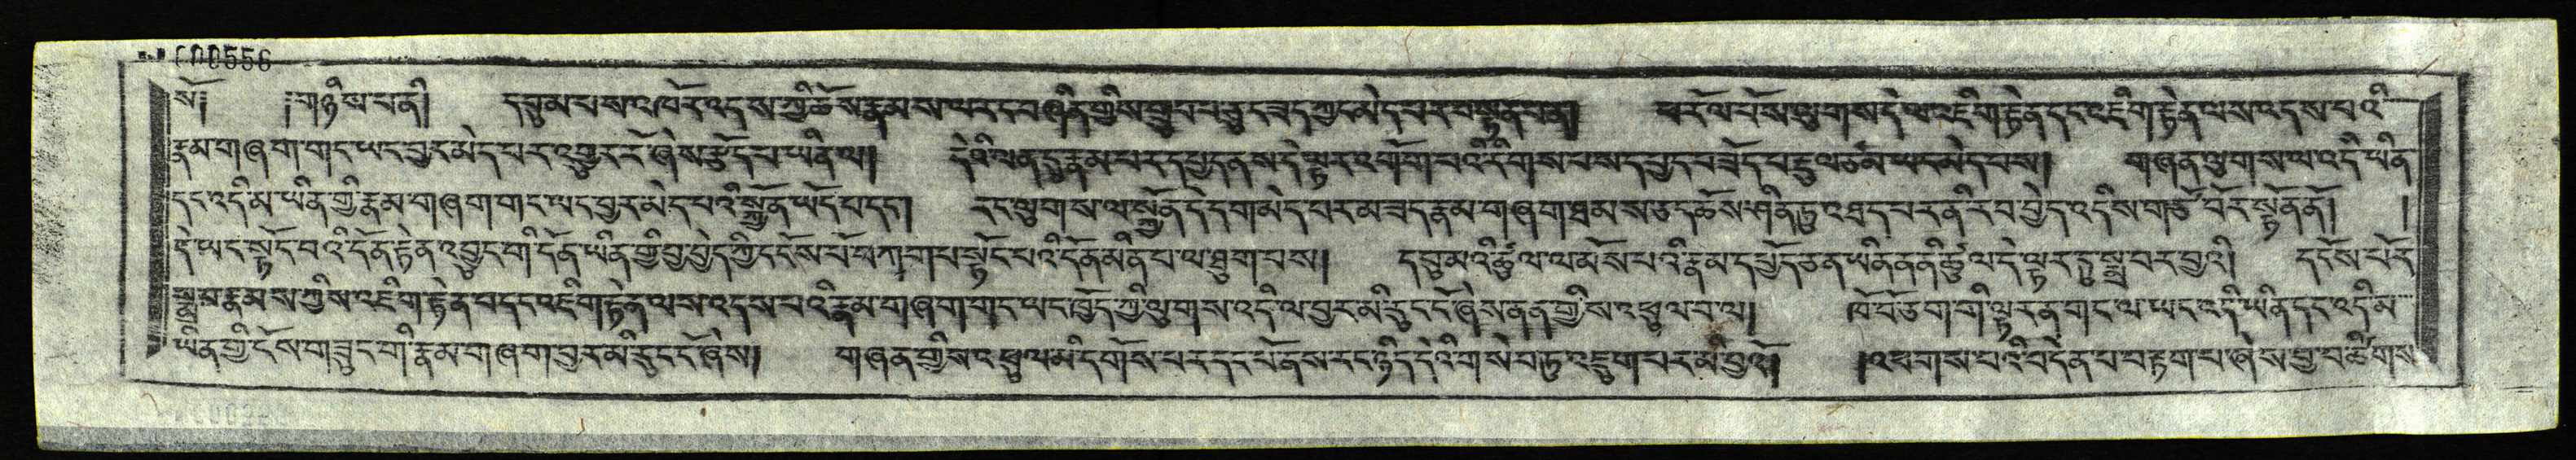སོ༑ ༑གཉིས་པ་ནི། དབུ་མ་པས་འཁོར་འདས་ཀྱི་ཆོས་རྣམས་ལ་རང་བཞིན་གྱིས་གྲུབ་པ་ཅུང་ཟད་ཀྱང་མེད་པར་བསྟན་པ་ན། ཕ་རོལ་པོས་ལུགས་དེ་ལ་འཇིག་རྟེན་དང་འཇིག་རྟེན་ལས་འདས་པའི་
རྣམ་གཞག་གང་ཡང་བྱར་མེད་པར་འགྱུར་རོ་ཞེས་རྩོད་པ་ཡིན་ལ། དེའི་ལན་དུ་རྣམ་པར་དཔྱད་ནས་དེ་ལྟར་འགོག་པའི་རིགས་པས་དཔྱད་བཟོད་པ་རྔུལ་ཙམ་ཡང་མེད་པས། གཞན་ལུགས་ལ་འདི་ཡིན་
དང་འདི་མ་ཡིན་གྱི་རྣམ་གཞག་གང་ཡང་བྱར་མེད་པའི་སྐྱོན་ཡོད་པ་དང་། རང་ལུགས་ལ་སྐྱོན་དེ་དག་མེད་པར་མ་ཟད་རྣམ་གཞག་ཐམས་ཅད་ཆོས་ཤིན་ཏུ་འཐད་པར་ནི་རབ་བྱེད་འདིས་གཙོ་བོར་སྟོན་ནོ། །
དེ་ཡང་སྟོང་བའི་དོན་རྟེན་འབྱུང་གི་དོན་ཡིན་གྱི་བྱ་བྱེད་ཀྱི་དངོས་པོ་བཀག་པ་སྟོང་པའི་དོན་མིན་པ་ལ་ཐུག་པས། དབུ་མའི་ཚུལ་ལ་མོས་པའི་རྣམ་དཔྱོད་ཅན་ཡིན་ན་ནི་ཚུལ་དེ་ལྟར་དུ་སྨྲ་བར་བྱའི། དངོས་པོར་
སྨྲ་བ་རྣམས་ཀྱིས་འཇིག་རྟེན་པ་དང་འཇིག་རྟེན་ལས་འདས་པའི་རྣམ་གཞག་གང་ཡང་ཁྱོད་ཀྱི་ལུགས་འདི་ལ་བྱར་མི་རུང་ངོ་ཞེས་ནན་གྱིས་འཕུལ་བ་ལ། ཁོ་བོ་ཅག་གི་ལྟར་ན་གང་ལ་ཡང་འདི་ཡིན་དང་འདི་མ་
ཡིན་གྱི་ངོས་གཟུང་གི་རྣམ་གཞག་བྱར་མི་རུང་ངོ་ཞེས། གཞན་གྱིས་འཕུལ་མི་དགོས་པར་དང་པོ་ནས་རང་ཉིད་དེའི་གསེབ་ཏུ་འཇུག་པར་མི་བྱའོ། །འཕགས་པའི་བདེན་པ་བརྟག་པ་ཞེས་བྱ་བ་ཚིགས་